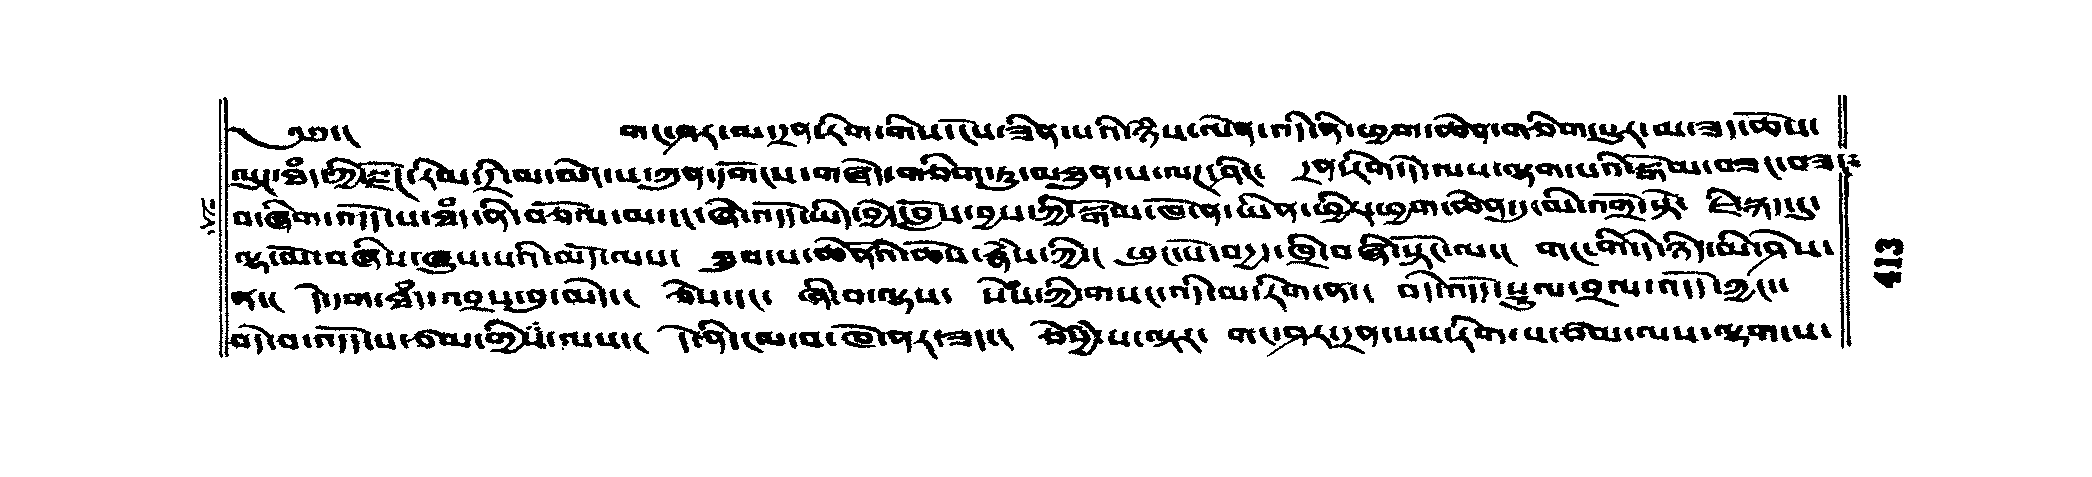གང་ཤར་མ་དྲན་རིག་གིས་ངོས་ཟིན་པའི་ཉམས་ལེན་འདི་ནི་ཕྱག་ཆེན་གཅིག་པུར་མ་ཟད་ཆོས་
ལུགས་ཐམས་ཅད་ཀྱི་རྫོགས་རིམ་དྲི་མ་མེད་པ་ཀུན་དགོངས་བཞེད་གཅིག་ཏུ་མཐུན་པ་ལགས་ཤིང་།དྲན་རིག་དེ་ལས་ལྷག་པའི་སྒོམ་བཟང་བཟང་
བ་ཞིག་འདོད་པ་ཐམས་ཅད་ནི་བཅོས་མ་དང་ཞེ་འདོད་ཡིད་བྱེད་བློས་བྱས་ཀྱི་སྒོམ་ཁོ་ན་ཡིན་ཕྱིར་ཕྱག་ཆེན་དུ་མི་འགྲོ་སྟེ། ཇི་སྐད་དུ་
ལྷ་མོ་བཞིས་ཞུས་པའི་མདོ་ལས། ཐུབ་པ་ཆེན་པོའི་ཆོས་རྣམས་ཀྱི། །ཕུང་པོ་བརྒྱད་ཁྲི་བཞི་སྟོང་ལ། །གང་གི་དེ་ཉིད་མི་ཤེས་
པ། །དེ་དག་ཐམས་ཅད་འབྲས་བུ་མེད། །ཅེས་དང་། ཞི་བ་ལྷས། སེམས་ཀྱི་གསང་འདི་མ་རིག་ན། །བདེ་འདོད་སྡུག་བསྔལ་བྲལ་འདོད་ཀྱང་། །
བདེ་བ་འདོད་པ་ཙམ་གྱིས་ལས། །དེ་ནི་ངལ་བ་ཁོ་ནར་ཟད། །ཅེས་གསུངས་པ་ལྟར། གང་ཤར་དྲན་པའི་རིག་པ་ཙམ་ལསལྷག་པ་